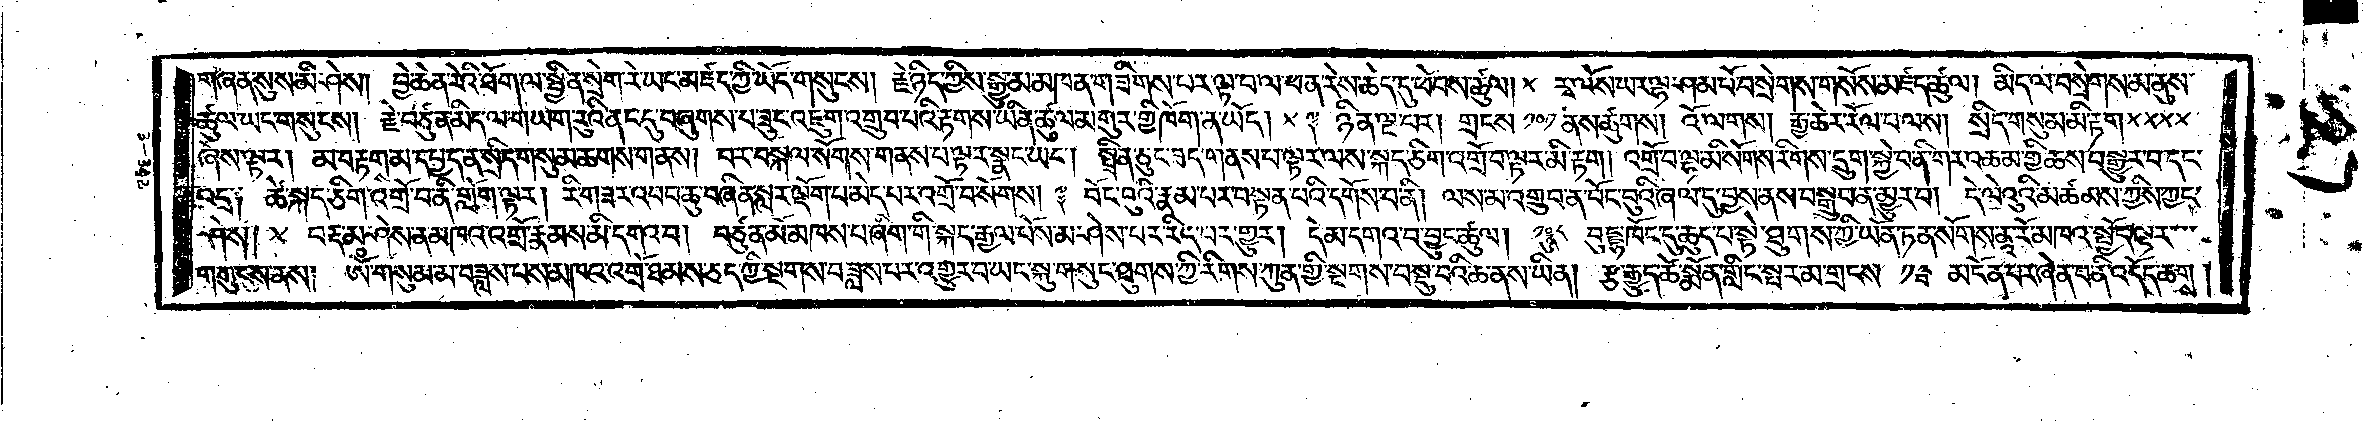གཞན་སུས་མི་ཤེས། བྱེ་ཆེན་རེའི་ཐོག་ལ་སྦྱིན་སྲེག་རེ་ཡང་མཛད་ཀྱི་ཡོད་གསུངས། རྗེ་ཉིད་ཀྱིས་སྒྱུ་མ་མཁན་གཟིགས་པར་ལྟ་བ་ལ་ཕན་རེས་ཆེད་དུ་ཕེབས་ཚུལ། ྾་རྭ་ལོས་ཡར་ལྷ་ཤམ་པོ་བསྲེགས་གསོས་མཛད་ཚུལ། མིད་ལ་བསྲེགས་མ་ནུས་
ཚུལ་ཡང་གསུངས། རྗེ་བཙུན་མིད་ལ་གཡག་རུའི་ནང་དུ་བཞུགས་པ་ཟུང་འཇུག་འགྲུབ་པའི་རྟགས་ཡིན་ཚུལ་མགུར་གྱི་ཁོག་ན་ཡོད། ྾་༈ ཉིན་ལྔ་པར། གྲངས ༡༠༡་ནས་ཚུགས། འོ་ལགས། རྒྱ་ཆེར་རོལ་བ་ལས། སྲིད་གསུམ་མི་རྟག྾྾྾྾་
ཞེས་ལྟར། མ་བརྟགས་མ་དཔྱད་ན་སྲིད་གསུམ་ཆགས་གནས། བར་བསྐལ་སོགས་གནས་པ་ལྟར་སྣང་ཡང་། སྤྲིན་ཅུང་ཟད་གནས་པ་ལྟར་ལས་སྐད་ཅིག་འགྲོ་བ་ལྟར་མི་རྟག། འགྲོ་བ་ལྷ་མི་སོགས་རིགས་དྲུག་སྐྱེ་བ་ནི་གར་འཆམ་གྱི་ཆས་བསྒྱུར་བ་དང་
འདྲ༑ ཚེ་སྐད་ཅིག་འགྲོ་བ་ནི་གློག་ལྟར། རི་གཟར་འབབ་ཆུ་བཞིན་སླར་ལྡོག་པ་མེད་པར་འགྲོ་བ་སོགས། ༈ བོང་བུའི་རྣམ་པར་བསྟན་པའི་དགོས་པ་ནི། ལས་མ་འགྲུབ་ན་བོང་བུའི་ཞལ་དུ་བྱས་ནས་བསྒྲུབ་ན་མྱུར་པ། དེ་ལེའུའི་མཚམས་ཀྱིས་ཀྱང་
ཤེས། ྾་བརྡ་མ་ཤེས་ནམ་ཁའ་འགྲོ་རྣམས་མི་དགའ་བ། བཙུན་མོ་མཁས་པ་ཞིག་གི་སྐད་རྒྱལ་པོས་མ་ཤེས་པར་རིད་པར་གྱུར། དེ་མ་དགའ་བ་བྱུང་ཚུལ། ༡༠༨་བུདྡྷ་ཁོང་དུ་ཆུད་པ་སྟེ་ཐུགས་ཀྱི་ཡོན་ཏན་སོགས་ནཱ་རོ་མཁའ་སྤྱོད་ལྟར་
ག་གསུངས་ནས། ཨོཾ་གསུམ་མ་བཟླས་པས་མཁའ་འགྲོ་ཐམས་ཅད་ཀྱི་སྔགས་བཟླས་པར་འགྱུར་བ་ཡང་སྐུ་གསུང་ཐུགས་ཀྱི་རིགས་ཀུན་གྱི་སྔགས་བསྡུ་བའི་ཆ་ནས་ཡིན། རྩ་རྒྱུད་ཚེ་སྨོན་གླིང་སྦར་མ་གྲངས ༡༢་མངོན་པར་ཞེན་པ་ནི་འདོད་ཆགས།